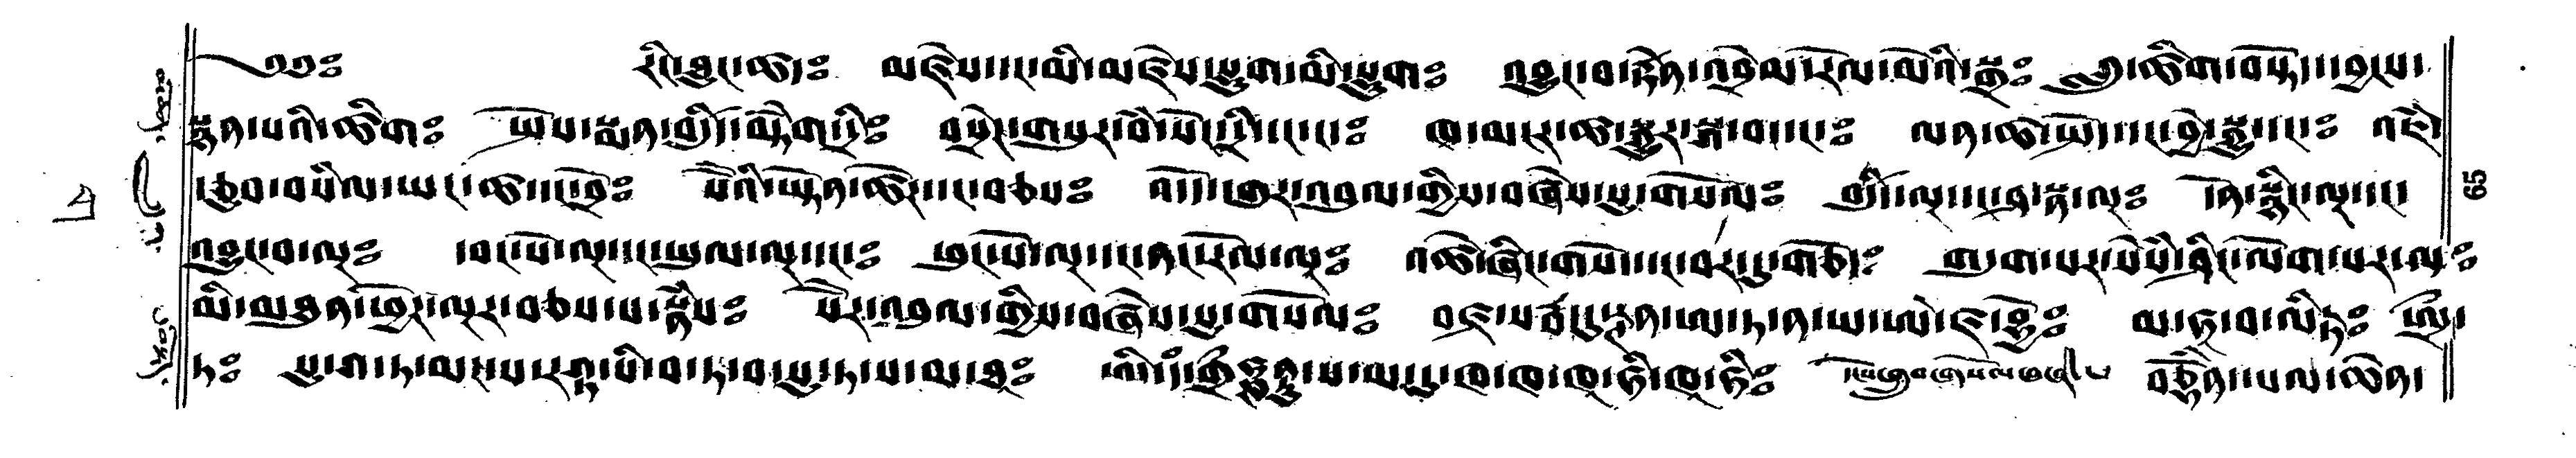རིང་ཐུང་ཚདཿམཛེས་དང་མི་མཛེས་སྡུག་མི་སྡུགཿ འབྱུང་བ་རྟེན་འབྲེལ་རོལ་མོའི་སྒྲཿ གླུ་ཚིག་བསྟོད་དབྱངས་
སྙན་པའི་ཚིགཿ སྤོས་སྨན་བདུད་རྩི་མེ་ཏོག་དྲིཿ བསྲེགས་གསུར་བམ་སོགས་དྲི་དང་ངད། ཁ་མངར་ཚ་སྐྱུར་སྐ་བ་དང་ཿ ལན་ཚ་སྤོད་དང་བྱེ་སྐྱུ་དང་ཿ འཇམ་
རྩུབ་བསིལ་ཡང་ཚ་དང་བྲོཿ སོ་སོའི་ཡོན་ཏན་ཚོར་དང་བཅསཿ འདོད་གུར་འབུལ་གྱིས་བཞེས་སུ་གསོལཿ བདུད་རྩི་ལྔ་དང་ཤ་སྣ་ལྔཿ དོན་སྙིང་ལྔ་དང་
འབྱུང་བ་ལྔ༔ དབང་པོ་ལྔ་དང་ཡུལ་ལྔ་དང་ཿ ཕུང་པོ་ལྔ་དང་ནང་རོལ་ལྔཿ འཚེ་ཞིང་གསོད་དང་བར་དུ་གཅོདཿ གདུག་པར་སེམས་ཤིང་ལོག་པར་ལྟཿ 
མི་མཐུན་ཕྱོགས་ལྔར་བཅས་པ་རྣམསཿ སོ་སོར་འབུལ་གྱིས་བཞེས་སུ་གསོལཿ བཛྲ་སརྦ་དུཥྚན་ཨ་ཏ་ན་ཡ་ཨེ་ཛ་བྷྱོཿ མ་ཧཱ་བ་ལིཏྟཿ ཨྲྀ་
ཏཿ སུ་ཀ་ཏ་མང་ས་རཀྟ་སི་བ་ཏ་བ་སུ་ཏ་བ་མ་ཐཱཿ ཨི་དཾ་གྲྀཧྞནྟུ་ས་མ་དུ་ཁ་ཁ་ཁཱ་ཧི་ཁཱ་ཧི༔ དངོས་གྲུབ་གསོལ་བ་ནི། བཅོམ་ལྡན་དཔལ་ཆེན་